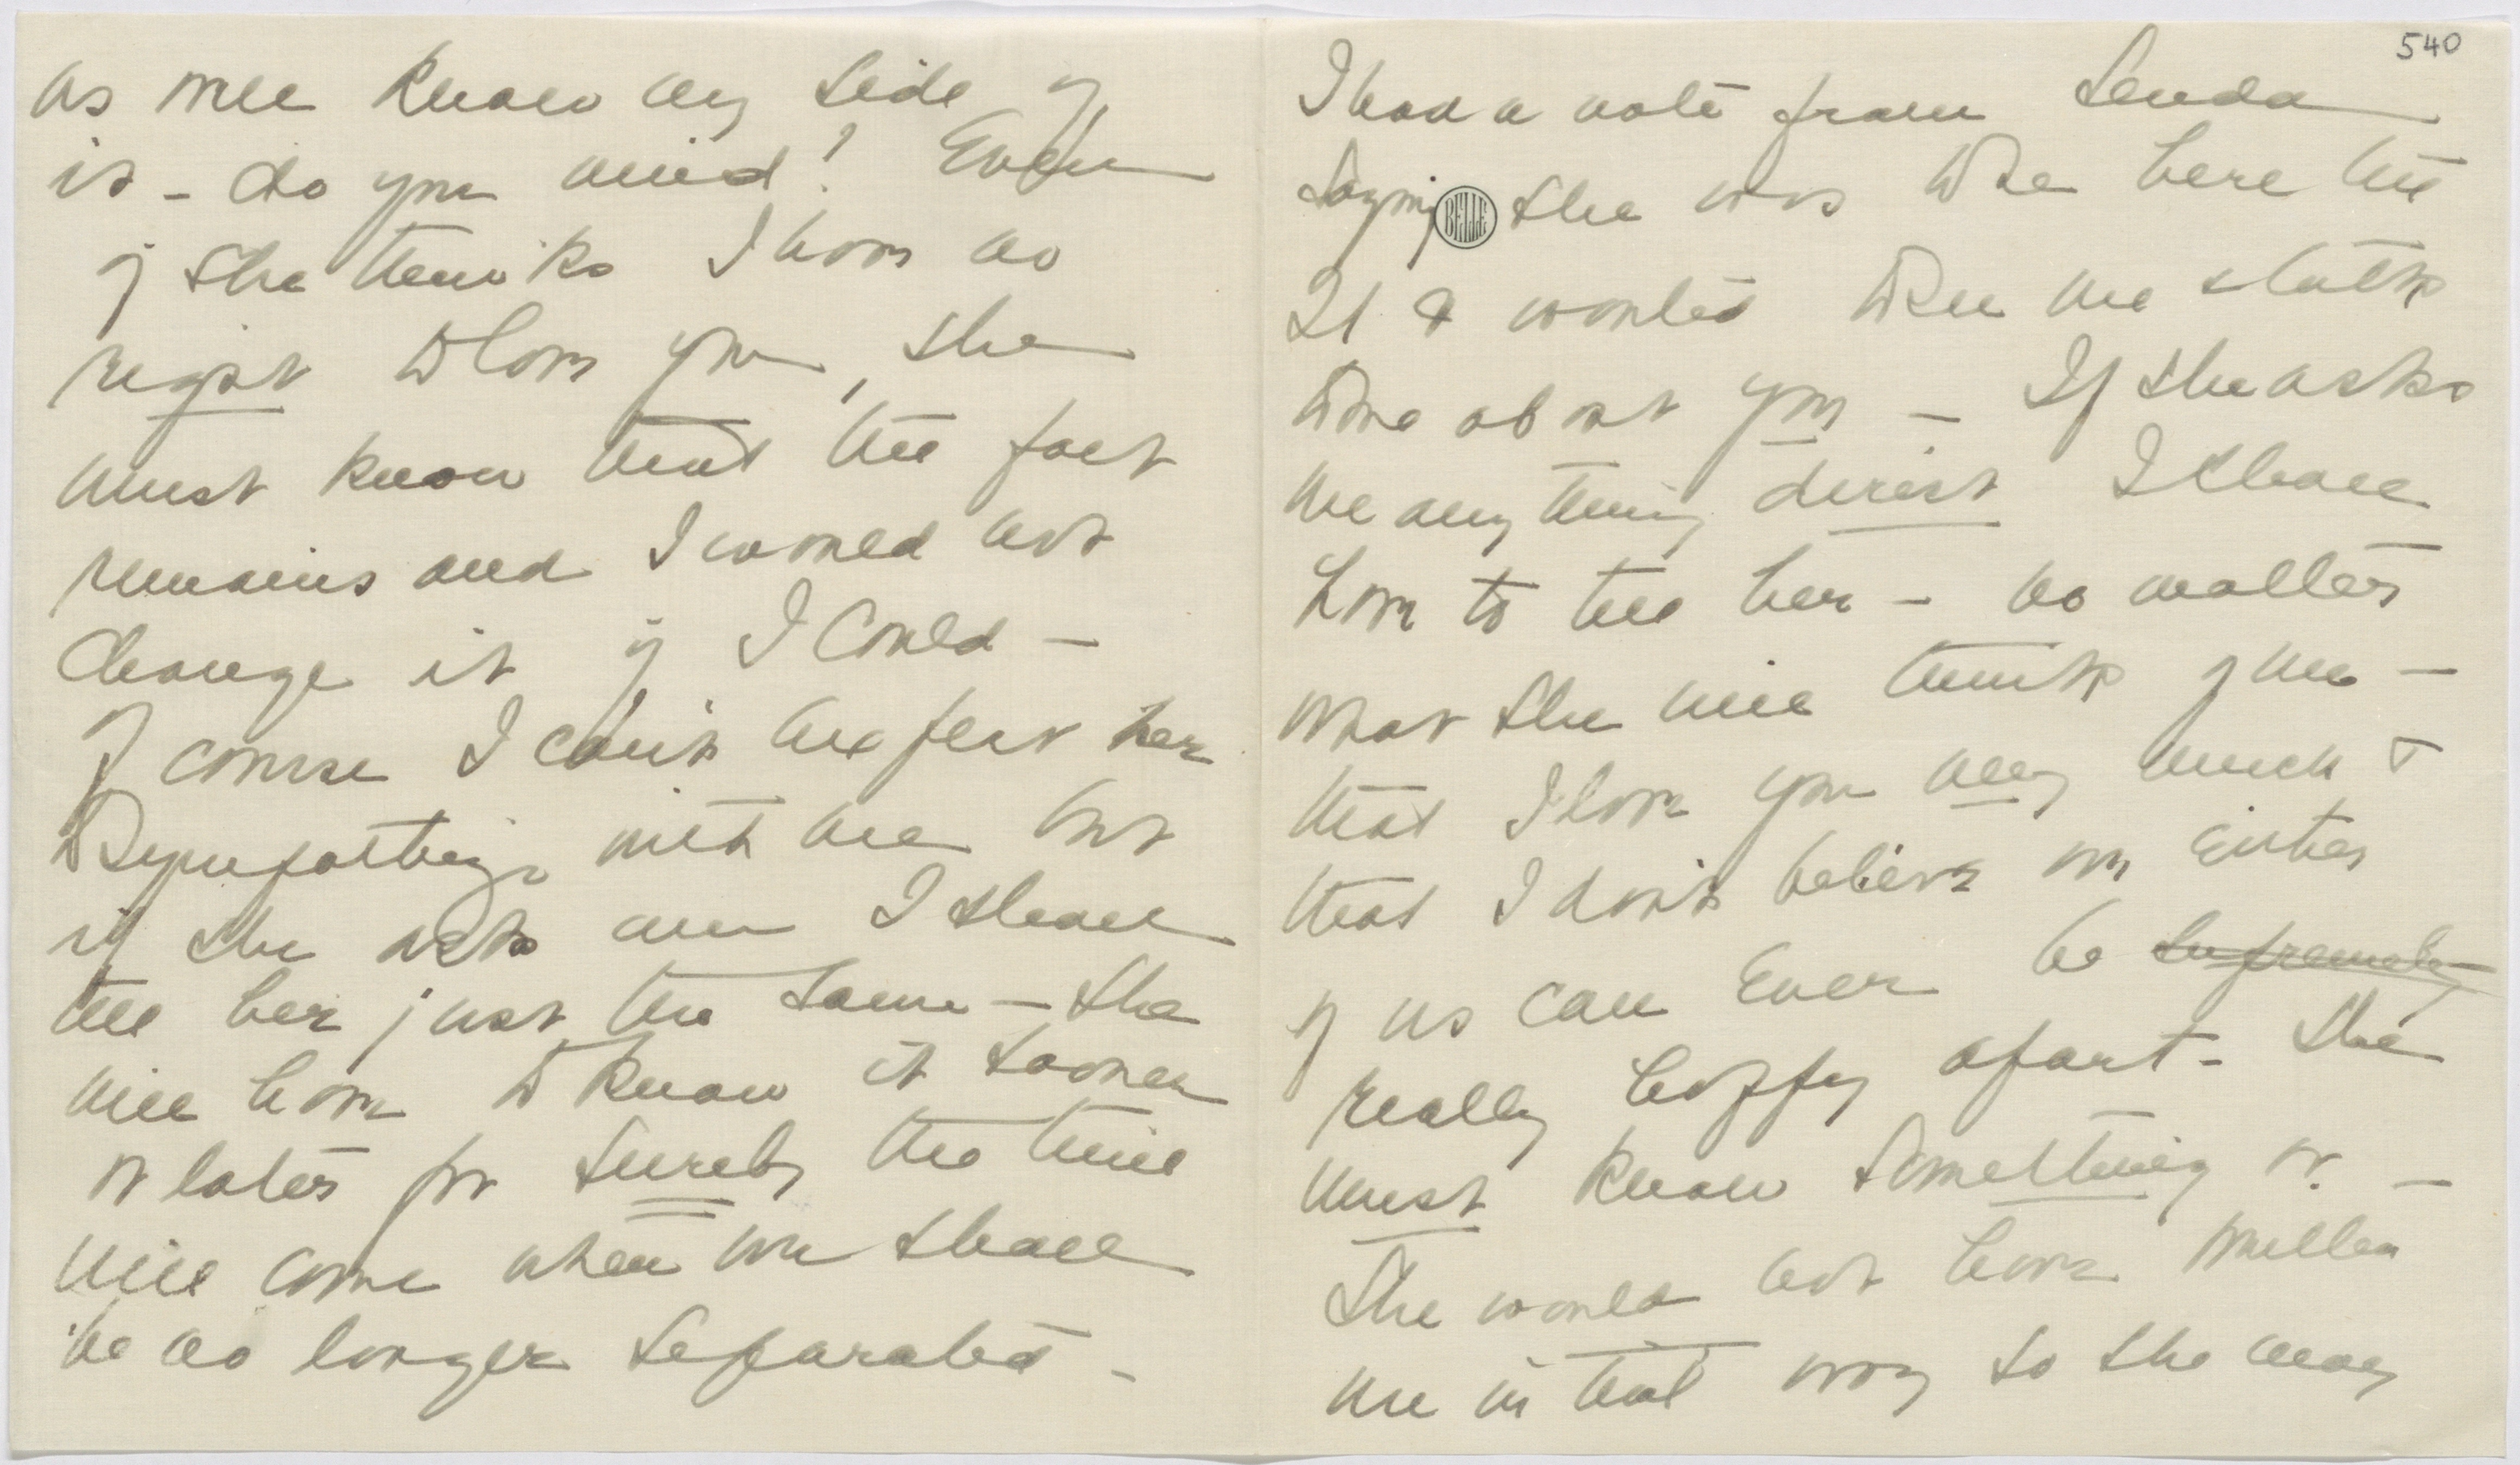I had a note from Senda saying she was to be here till 21 & wanted to see me & talk to me about you – If she asks me any thing direct I shall have to tell her – no matter what she will think of me – that I love you very much & that I don’t believe we either of us can ever be supremely really happy apart – She must know something &c. – She would not have written me in that way so she may
as well know my side of it – do you mind? Even if she thinks I have no right to love you, she must know that he fact remains and I would not change it if I could – of course I can’t expect her to sympathize with me but if she asks me I shall tell her just the same – She will have to know it sooner or later for [double-underlined: surely] the time will come when we shall be no longer separated –